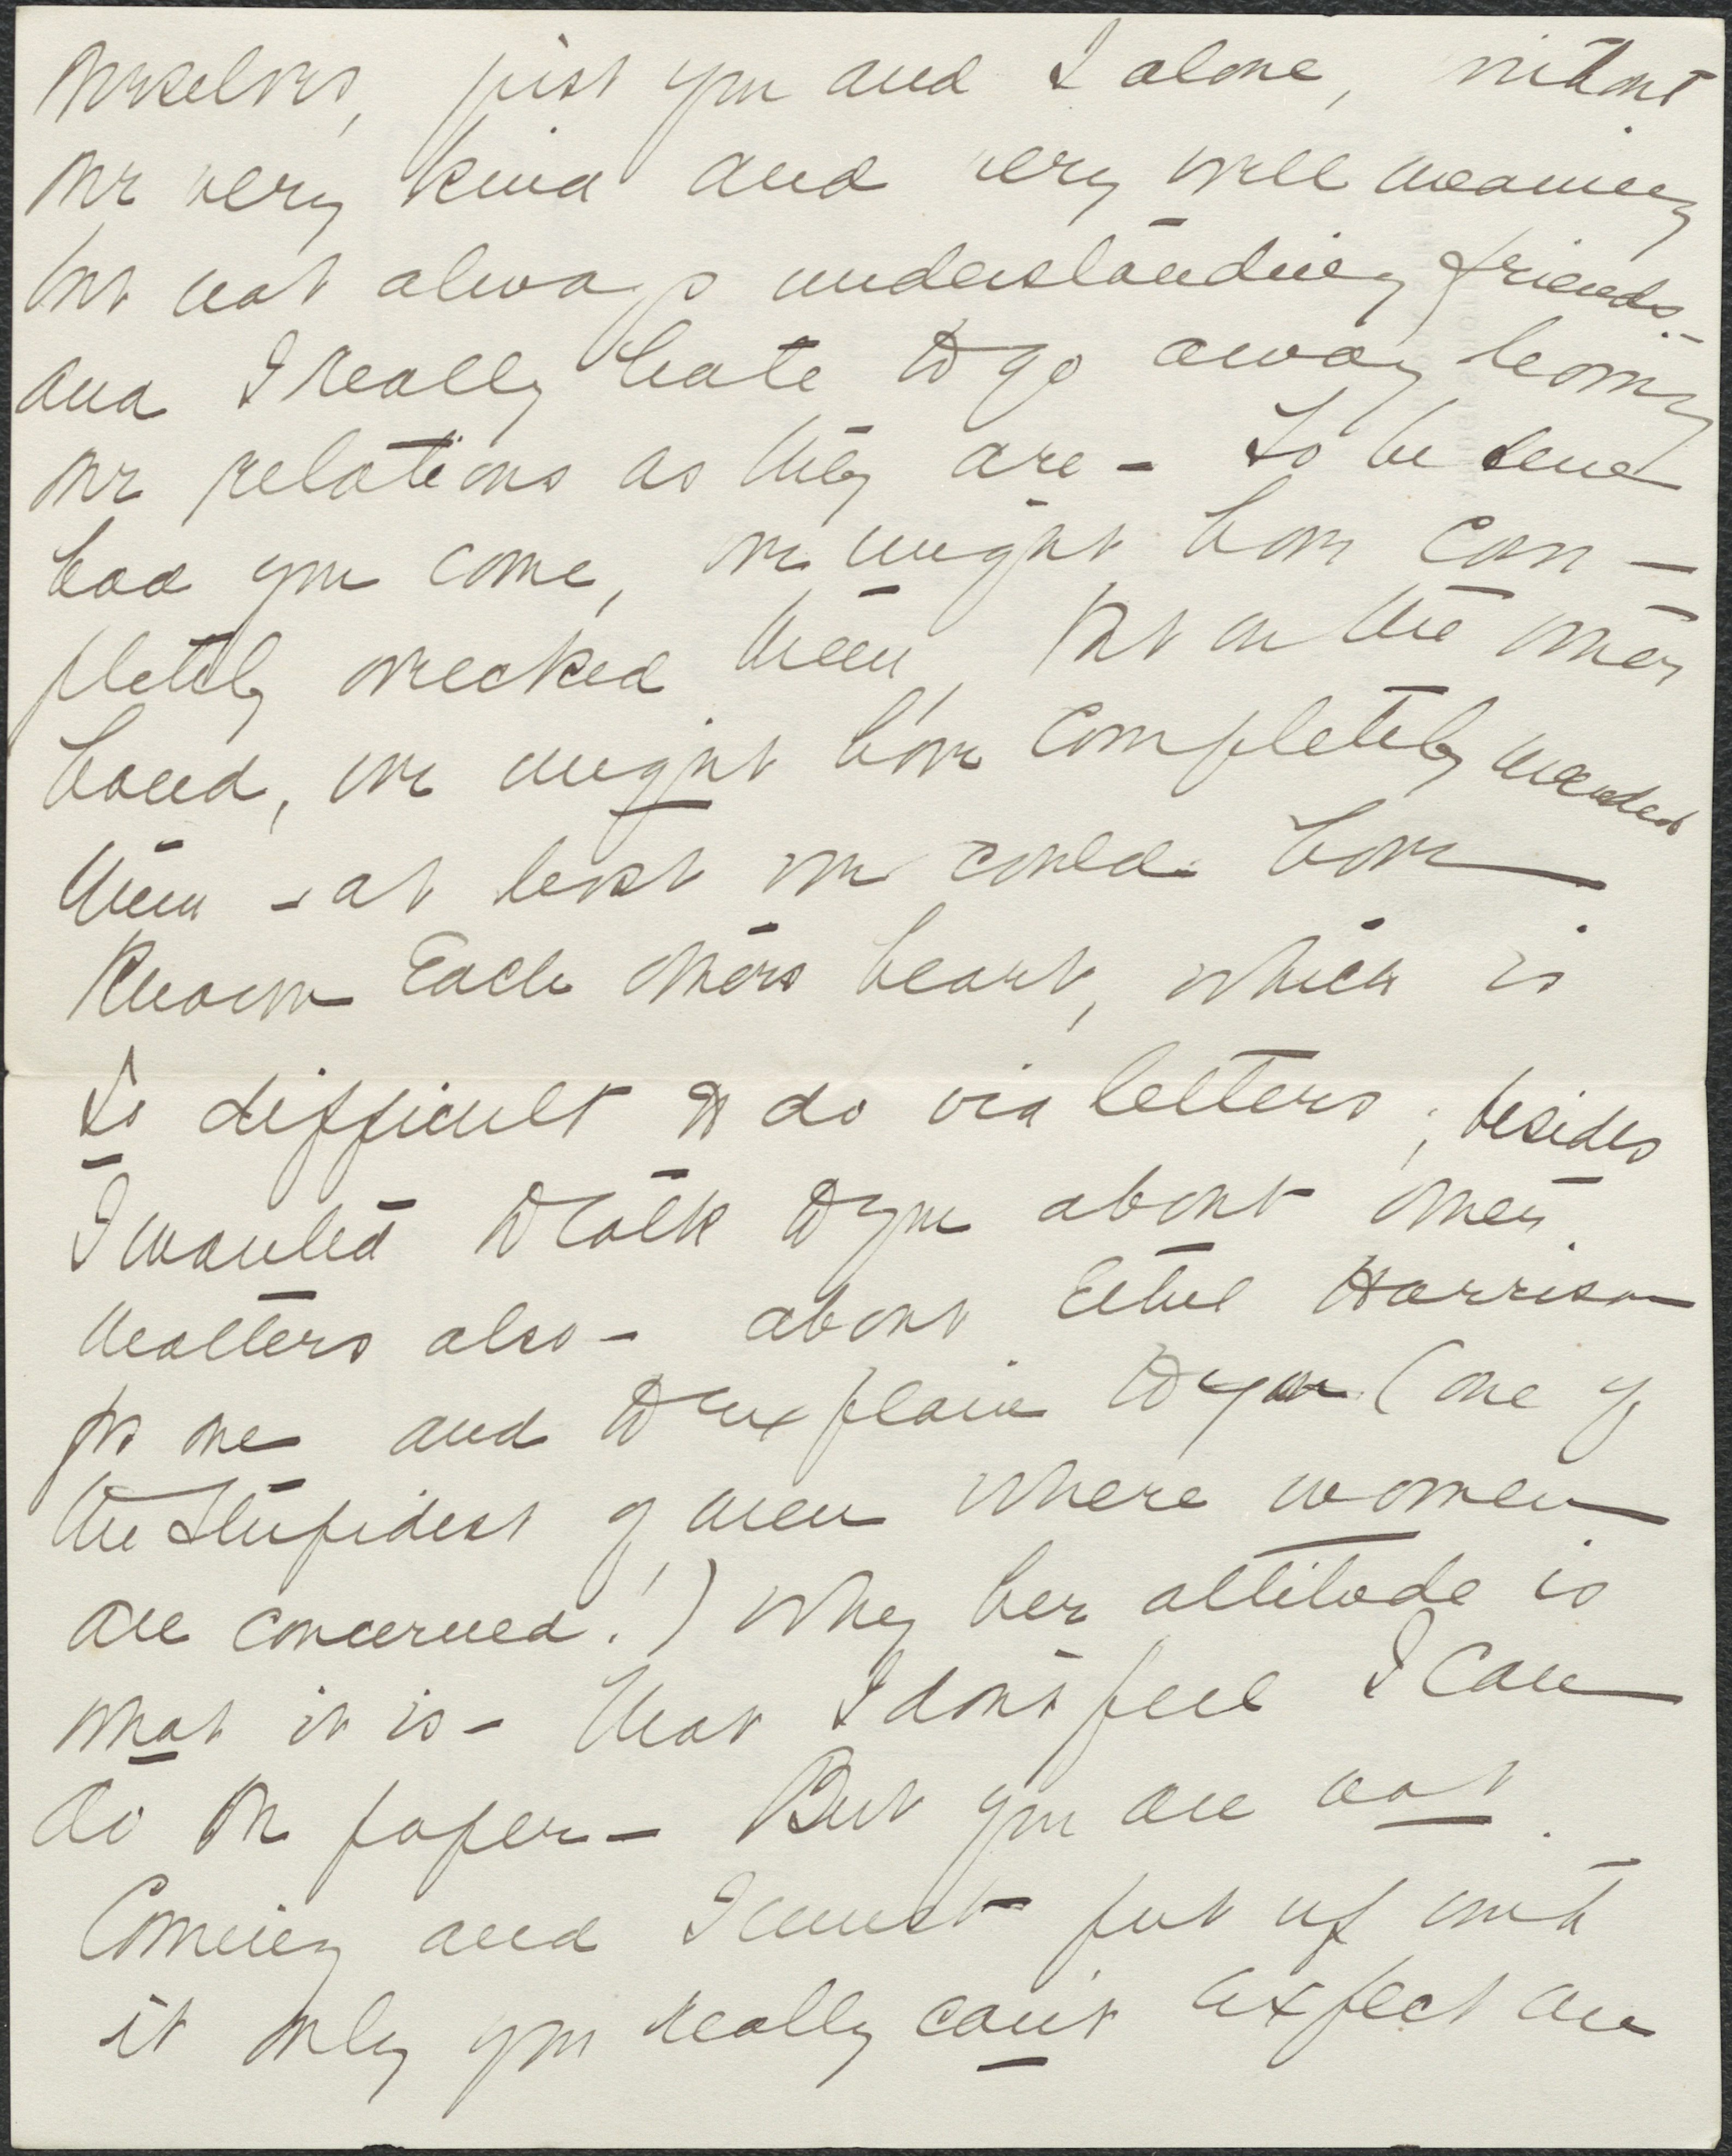ourselves, just you and I alone, without our very kind and very well meaning but not always understanding friends – and I really hate to go away leaving our relations as they are – To be sure had you come, we might have completely wrecked them, but on the other hand, we might have completely mended them – at least we could have known each others heart, which is so difficult to do via letters; besides I wanted to talk to you about other matters also – about Ethel Harrison for one and to explain to you (one of the stupidest of men where women are concerned!) why her attitude is what it is – That I don’t feel I can do on paper – But you are not coming and I must put up with it only you really can’t expect me